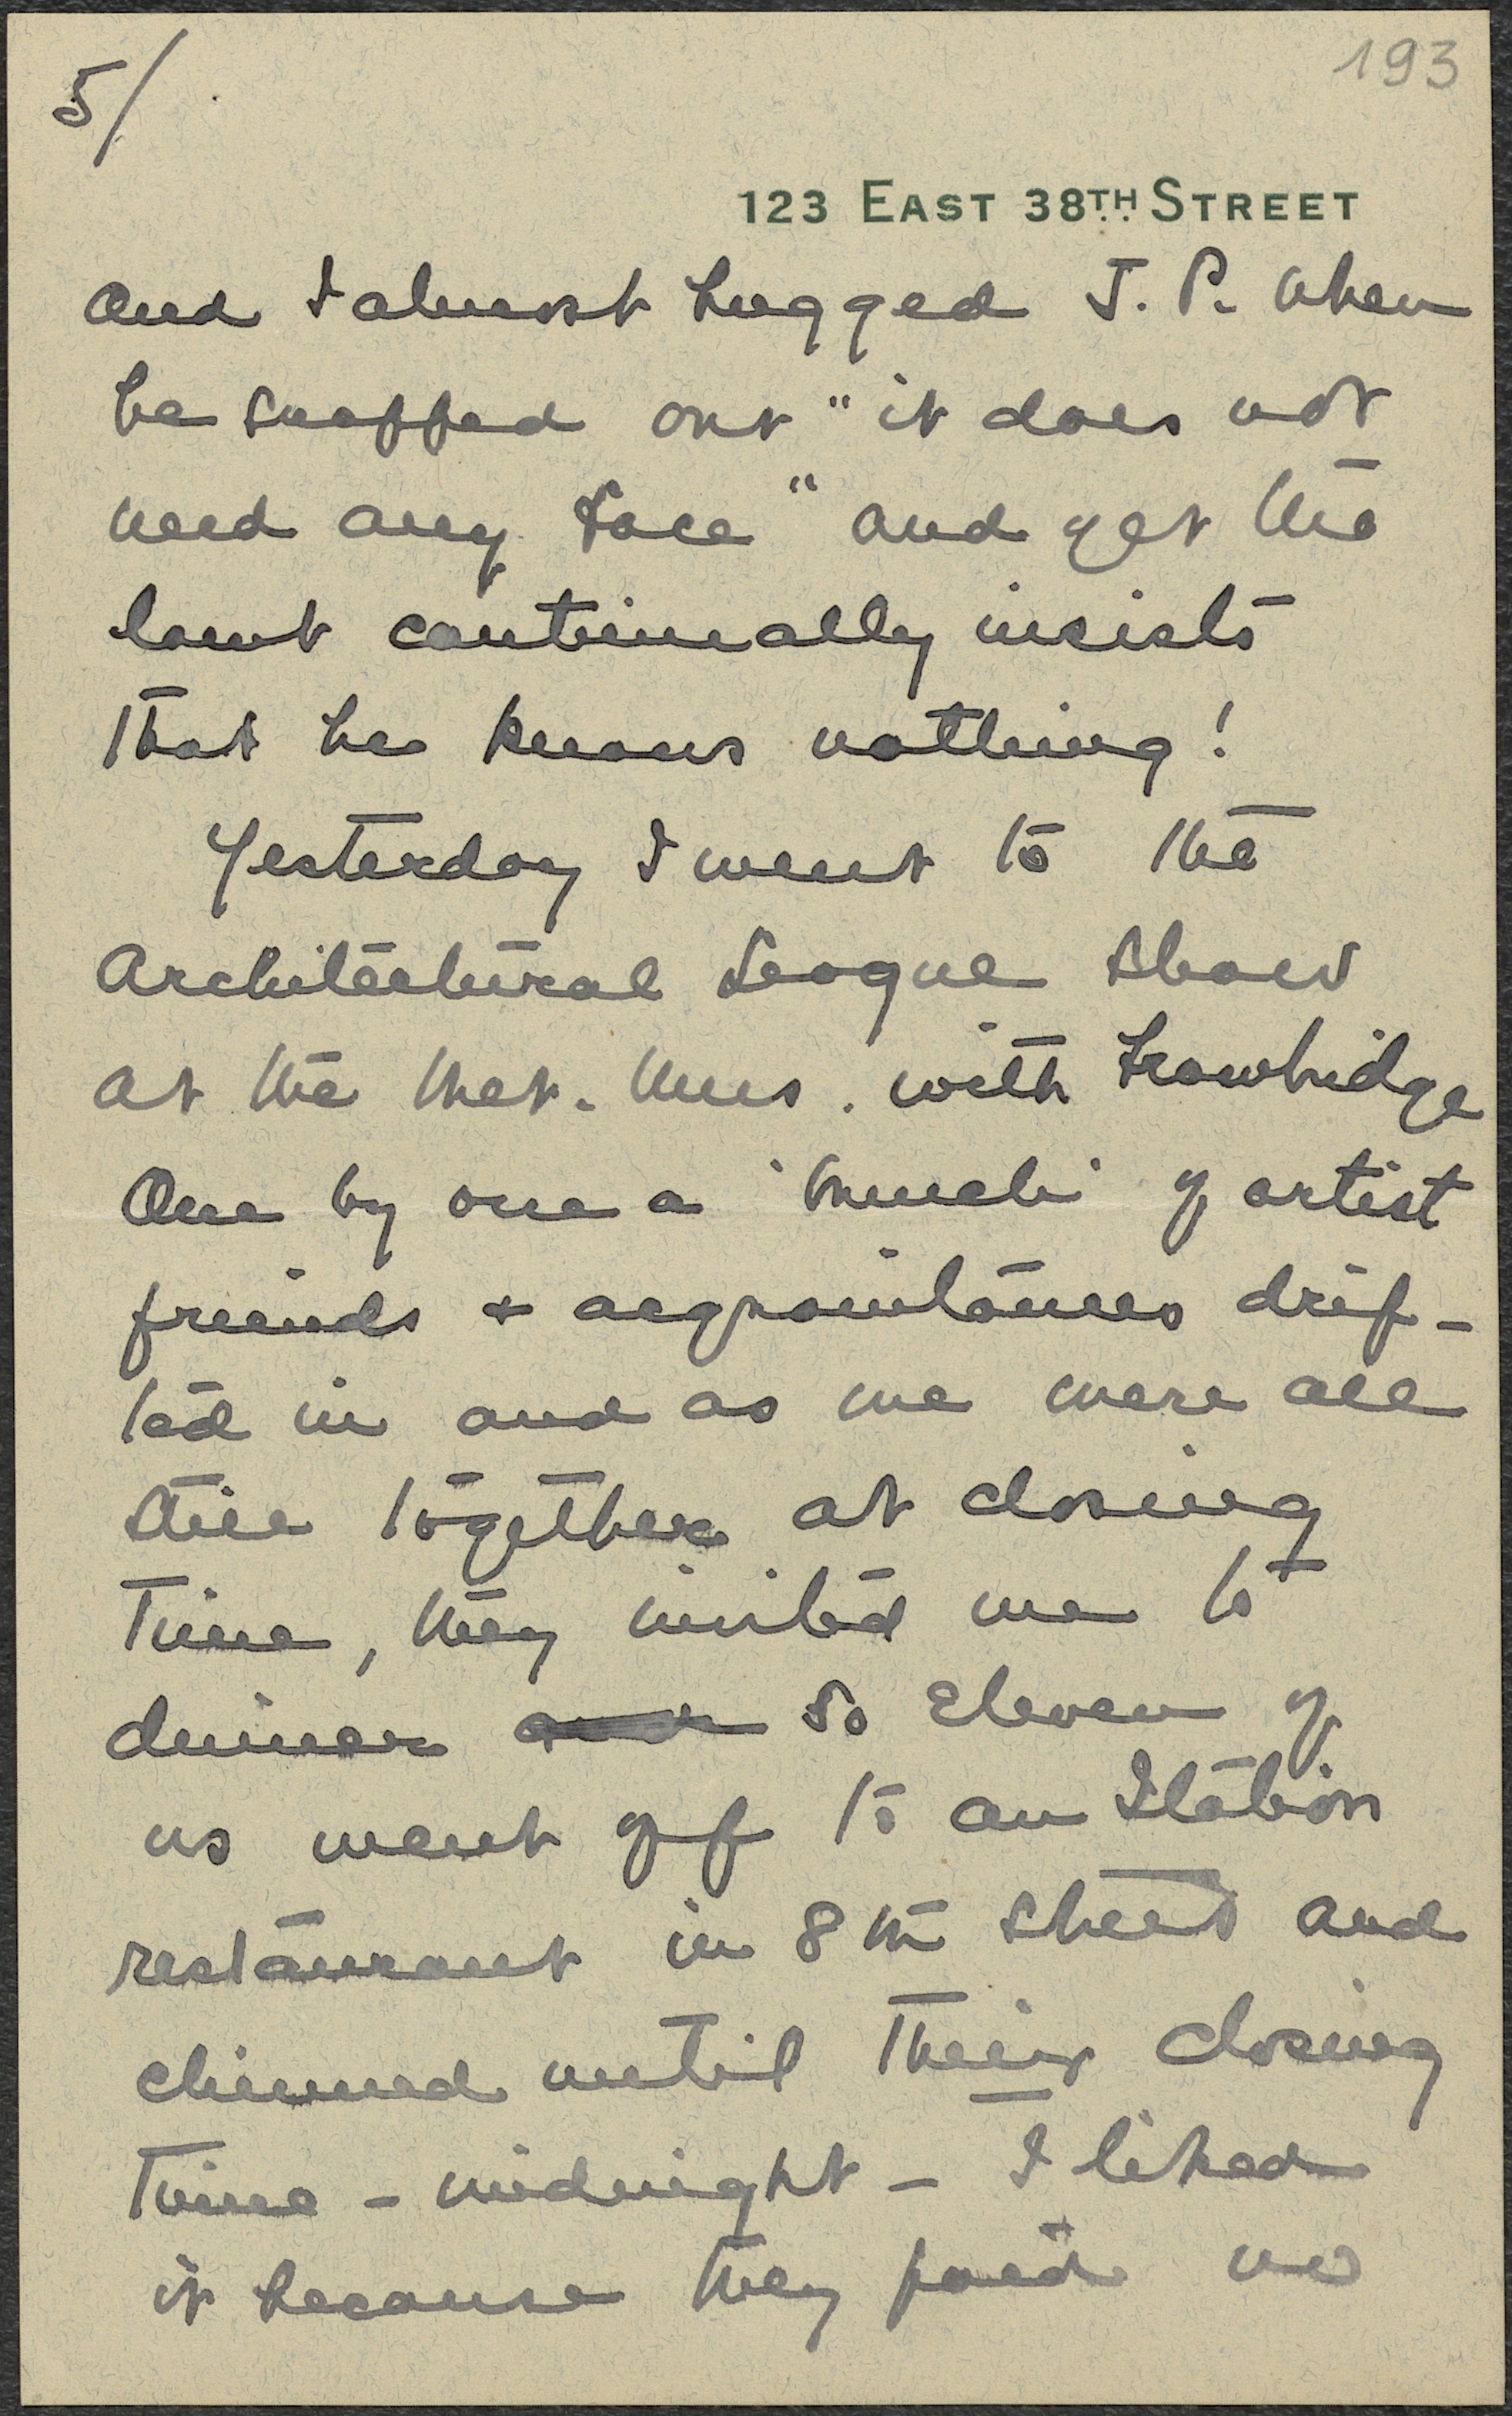And I almost hugged J.P. when he snapped out "it does not need any face" and yet the lamb continually insists the he knows nothing!
Yesterday I went to the Architectural League show at the Met. Mus. with Trowbridge one by one a "bunch" of artist friends & acquaintances drifted in and as we were all still together at closing time, they invited me to dinner [illegible deletion] so eleven of us went off to an Italian restaurant in 8th Street and chinned until their closing time – midnight – I liked it because they paid no